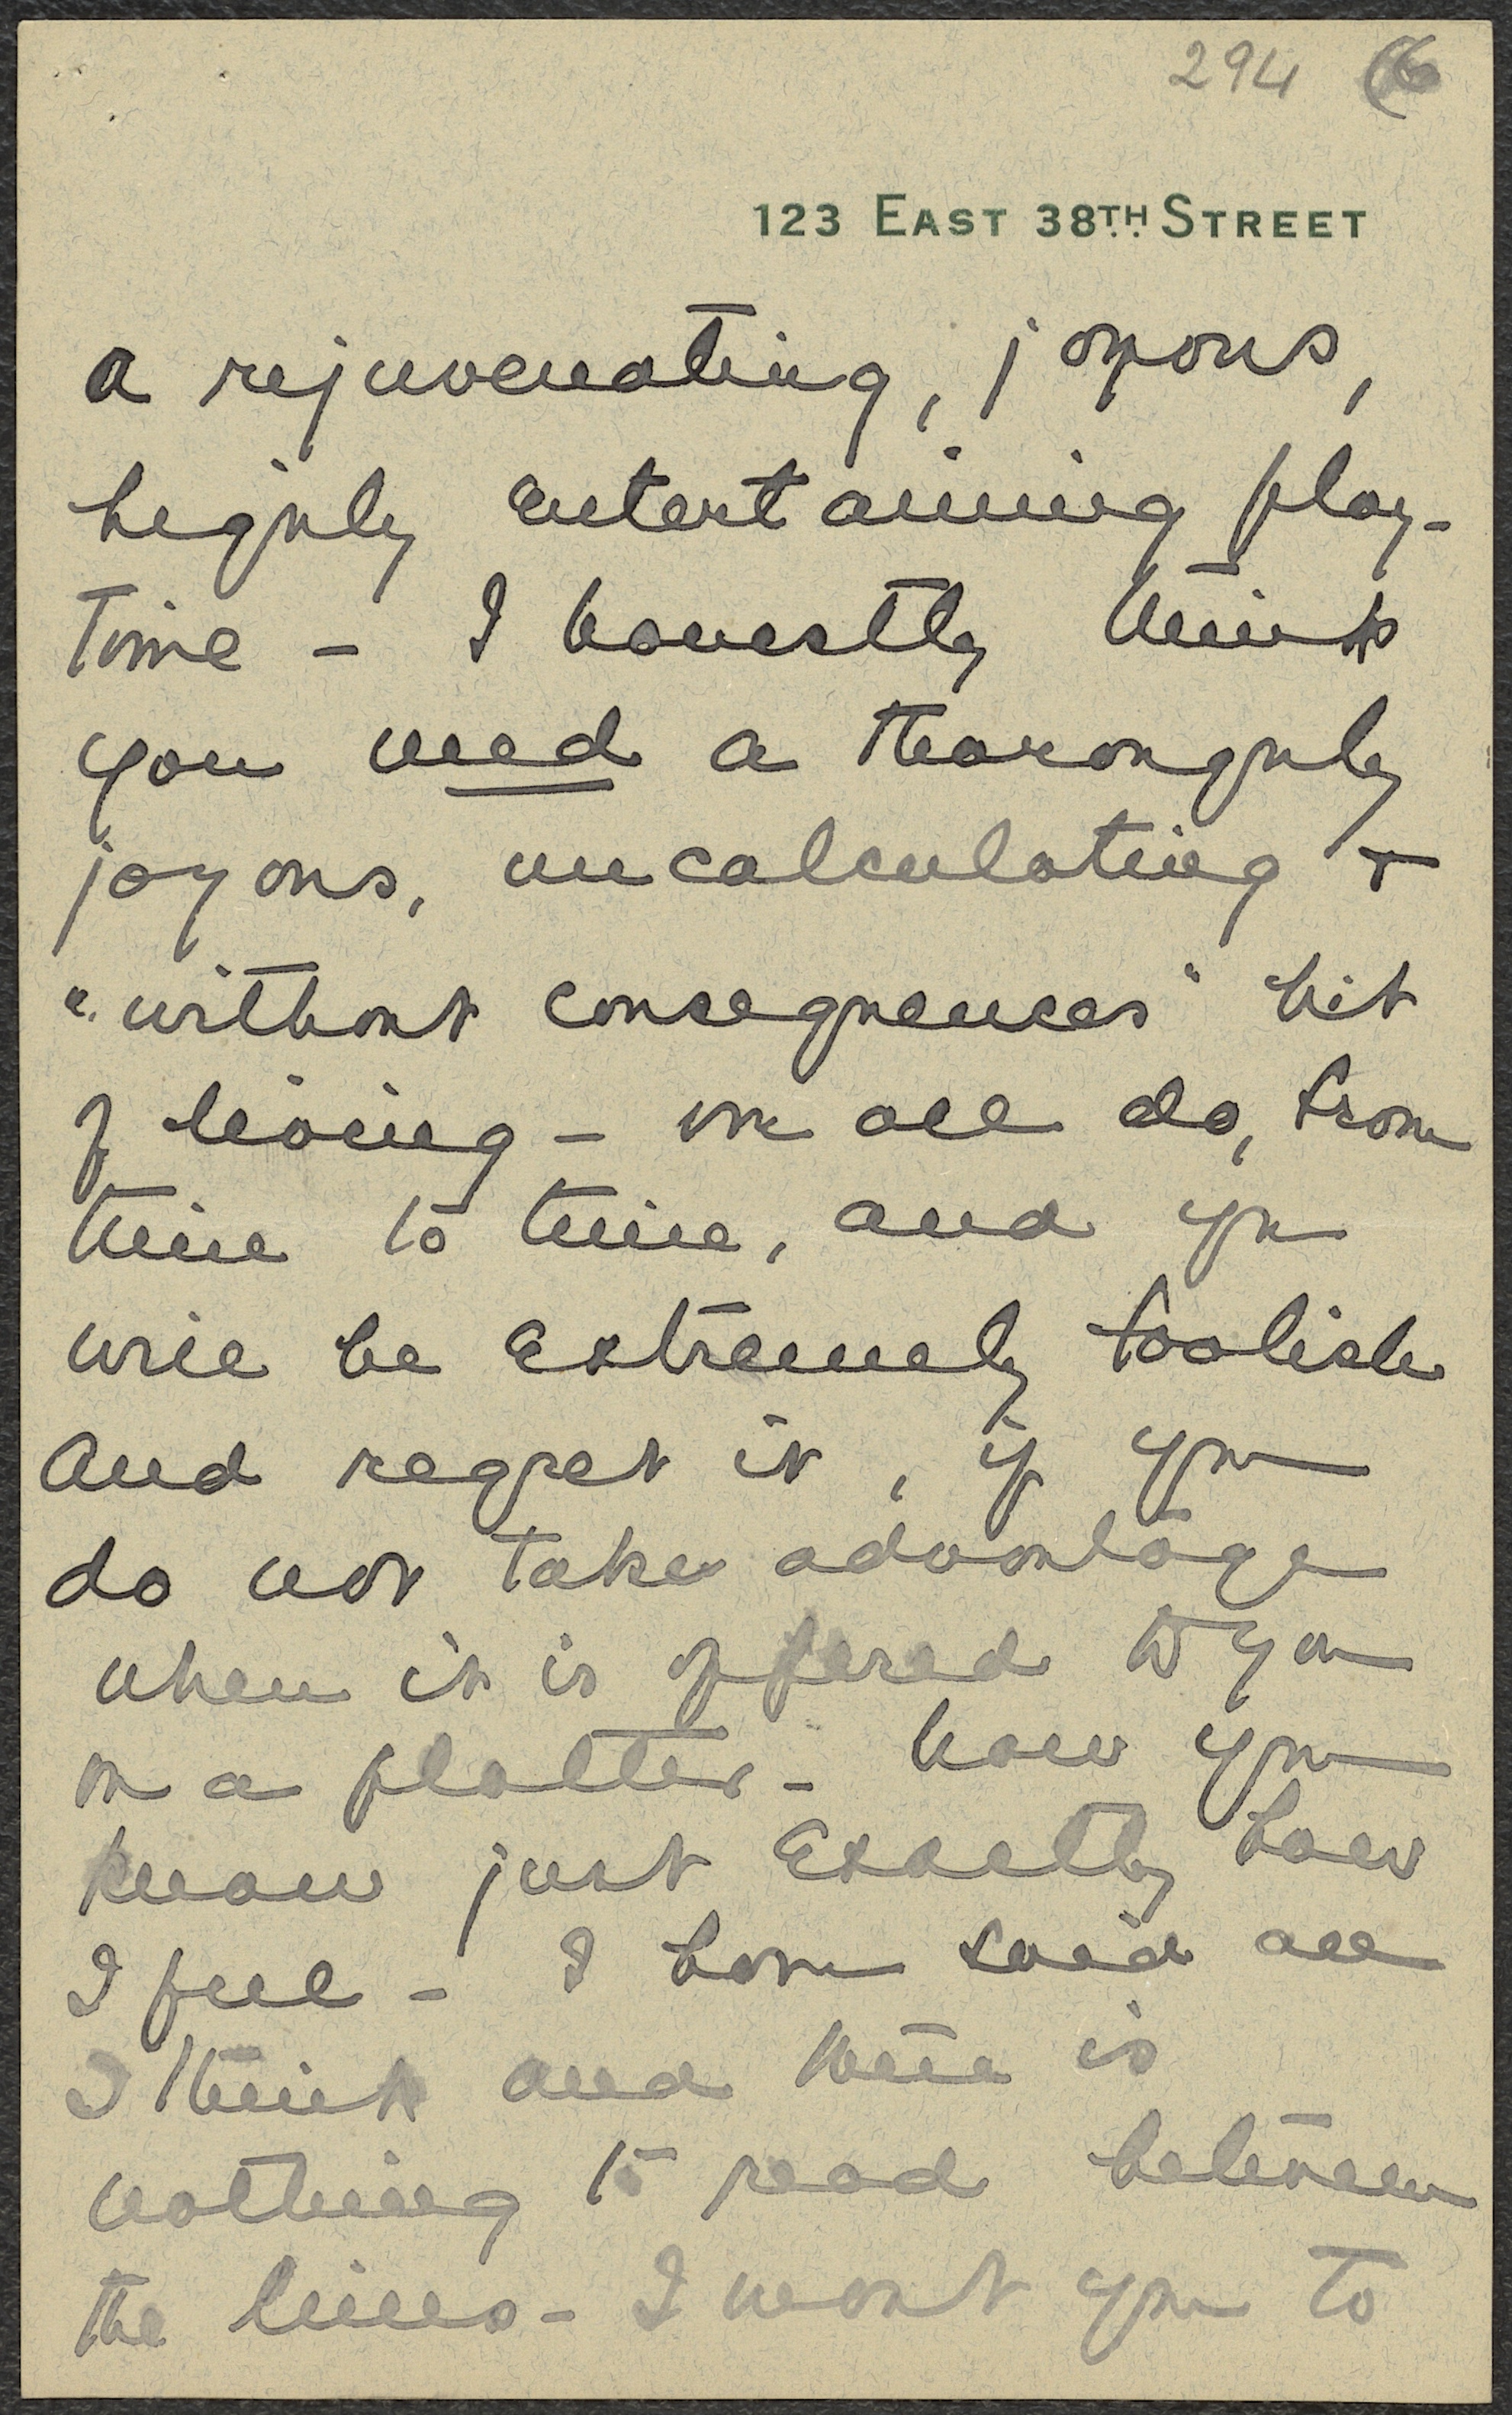a rejuvenating, joyous, highly entertaining playtime – I honestly think you need a thoroughly joyous, uncalculating & “without consequences” bit of living – we all do, form time to time, and you will be extremely foolish and regret it, if you do not take advantage when it is offered to you on a platter – Now you know just exactly how I feel – I have said all I think and there is nothing to read between the lines – I want you to